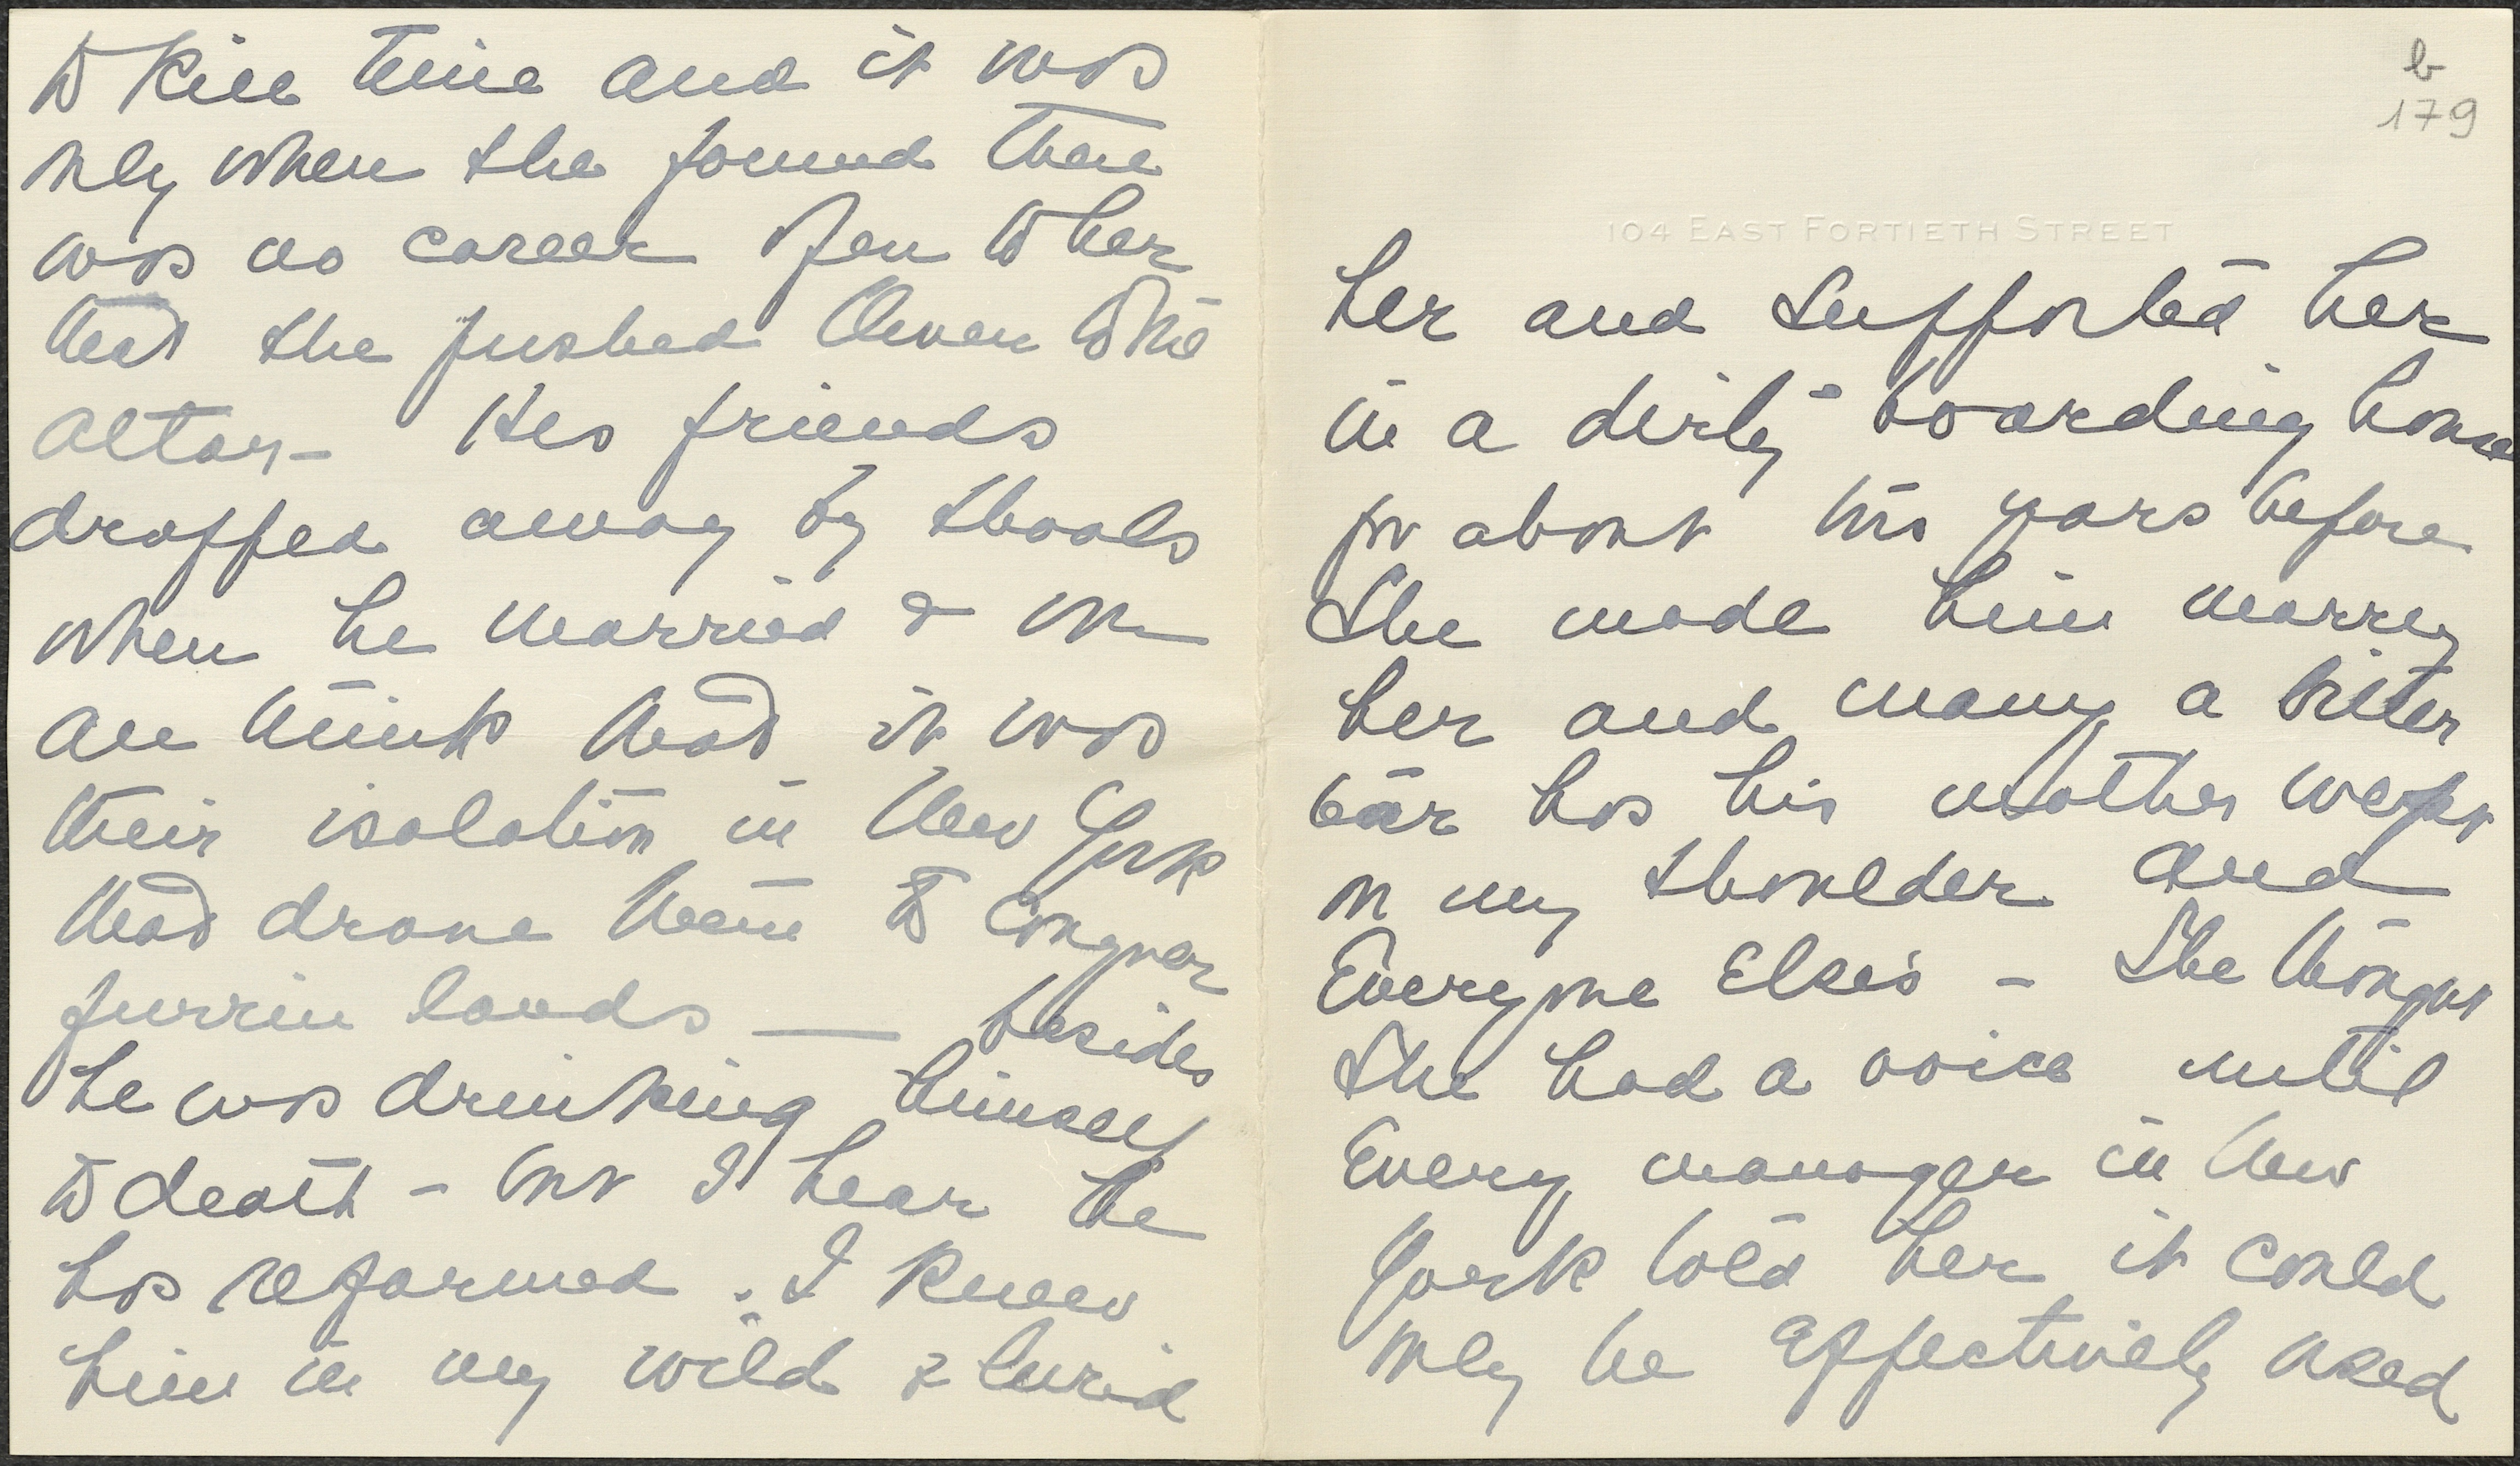her and supported her in a dirty boarding house for about two years before she made him marry her and many a bitter tear has his mother wept on my shoulder and everyone else’s – She thought she had a voice until every manager in New York told her it could only be effectively used
to kill time and it was only when she found there was no career open to her that she pushed Owen to the altar – His friends dropped away by shoals when he married & we all think that it was their isolation in New York that drove them to conquer furrin lands – besides he was drinking himself to death – but I hear he has reformed. I knew him in my wild & lurid